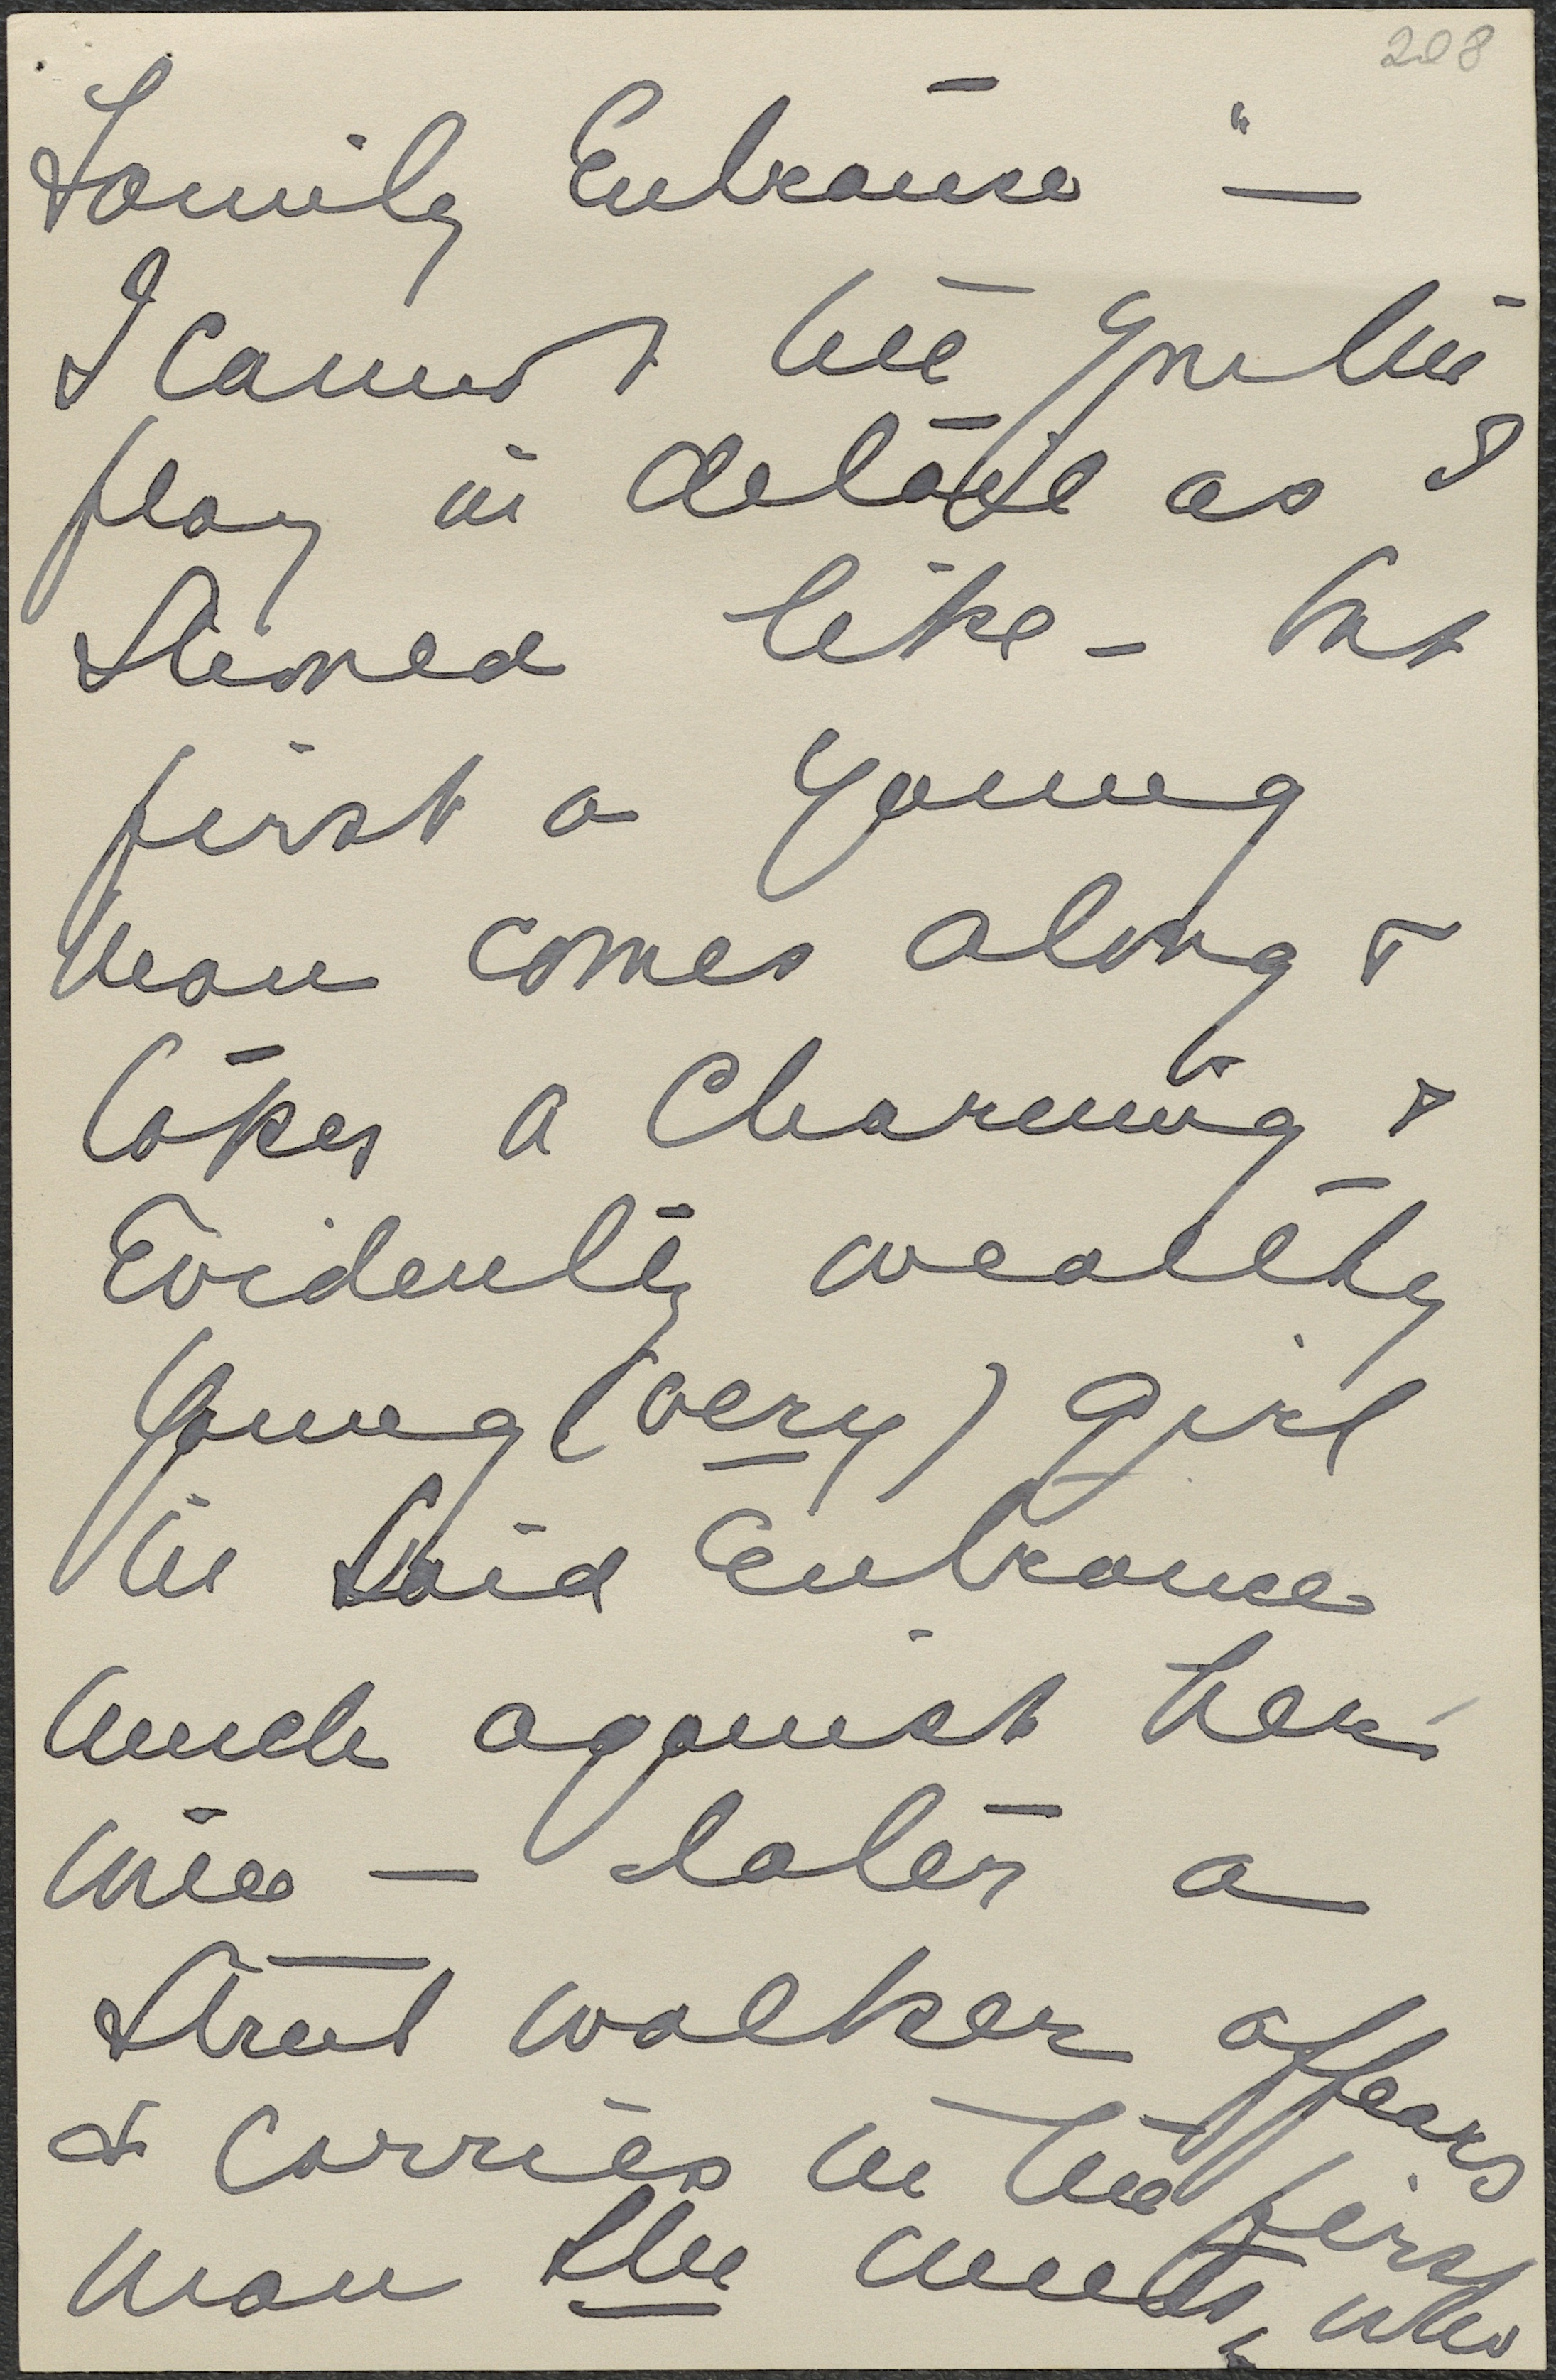Family Entrance” –
I cannot tell you the play in detail as I should like – but first a young man comes along & takes a charming & evidently wealthy young (very) girl in said entrance much against her will – later a street walker appears & carries in the first man she meets, who